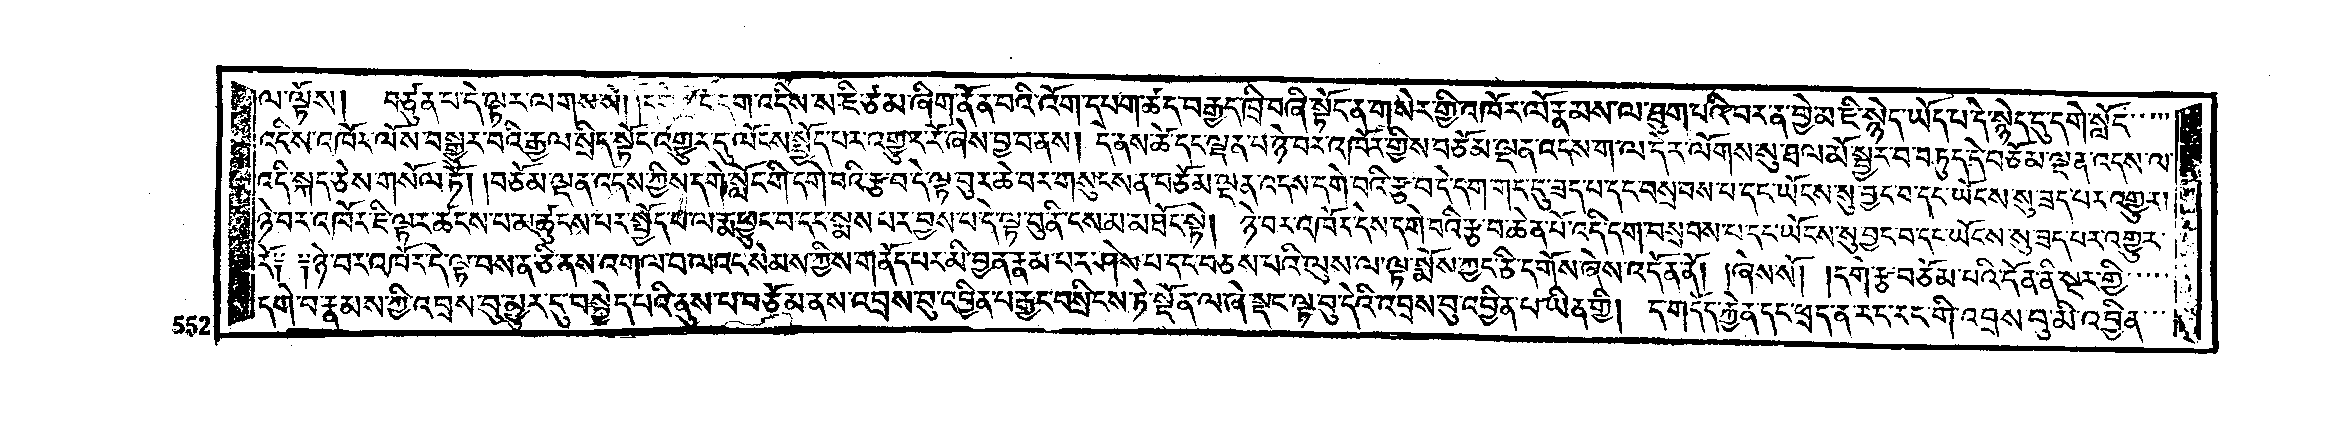ལ་ལྟོས། བཙུན་པ་དེ་ལྟར་ལགས་སོ། །དགེ་སློང་དག་འདིས་ས་ཇི་ཙམ་ཞིག་ནོན་པའི་འོག་དཔག་ཚད་བརྒྱད་ཁྲི་བཞི་སྟོང་ན་གསེར་གྱི་འཁོར་ལོ་རྣམས་ལ་ཐུག་པའི་བར་ན་བྱེ་མ་ཇི་སྙེད་ཡོད་པ་དེ་སྙེད་དུ་དགེ་སློང་
འདིས་འཁོར་ལོས་བསྒྱུར་བའི་རྒྱལ་སྲིད་སྟོང་འགྱུར་དུ་ལོངས་སྤྱོད་པར་འགྱུར་རོ་ཞེས་བྱ་བ་ནས། དེ་ནས་ཚེ་དང་ལྡན་པ་ཉེ་བར་འཁོར་གྱིས་བཅོམ་ལྡན་འདས་ག་ལ་དེར་ལོགས་སུ་ཐལ་མོ་སྦྱར་བ་བཏུད་དེ་བཅོམ་ལྡན་འདས་ལ་
འདི་སྐད་ཅེས་གསོལ་ཏོ། །བཅོམ་ལྡན་འདས་ཀྱིས་དགེ་སློང་གི་དགེ་བའི་རྩ་བ་དེ་ལྟ་བུར་ཆེ་བར་གསུངས་ན་བཅོམ་ལྡན་འདས་དགེ་བའི་རྩ་བ་དེ་དག་གང་དུ་ཟད་པ་དང་བསྲབས་པ་དང་ཡོངས་སུ་བྱང་བ་དང་ཡོངས་སུ་ཟད་པར་འགྱུར།
ཉེ་བར་འཁོར་ཇི་ལྟར་ཚངས་པ་མཚུངས་པར་སྤྱོད་པ་ལ་རྨ་ཕྱུང་བ་དང་སྨས་པར་བྱས་པ་དེ་ལྟ་བུ་ནི་ངས་མ་མཐོང་སྟེ། ཉེ་བར་འཁོར་དེས་དགེ་བའི་རྩ་བ་ཆེན་པོ་འདི་དག་བསྲབས་པ་དང་ཡོངས་སུ་བྱང་བ་དང་ཡོངས་སུ་ཟད་པར་འགྱུར་
རོ༑ ༑ཉེ་བར་འཁོར་དེ་ལྟ་བས་ན་ཅི་ནས་འགལ་པ་ལའང་སེམས་ཀྱིས་གནོད་པར་མི་བྱ་ན་རྣམ་པར་ཤེས་པ་དང་བཅས་པའི་ལུས་ལ་ལྟ་སྨོས་ཀྱང་ཅི་དགོས་ཞེས་འདོན་ནོ། །ཞེས་སོ། །དགེ་རྩ་བཅོམ་པའི་དོན་ནི་སྔར་གྱི་
དགེ་བ་རྣམས་ཀྱི་འབྲས་བུ་མྱུར་དུ་བསྐྱེད་པའི་ནུས་པ་བཅོམ་ནས་འབྲས་བུ་འབྱིན་པ་རྒྱང་བསྲིངས་ཏེ་སྔོན་ལ་ཞེ་སྡང་ལྟ་བུ་དེའི་འབྲས་བུ་འབྱིན་པ་ཡིན་གྱི། ད་གདོད་རྐྱེན་དང་ཕྲད་ན་རང་རང་གི་འབྲས་བུ་མི་འབྱིན་